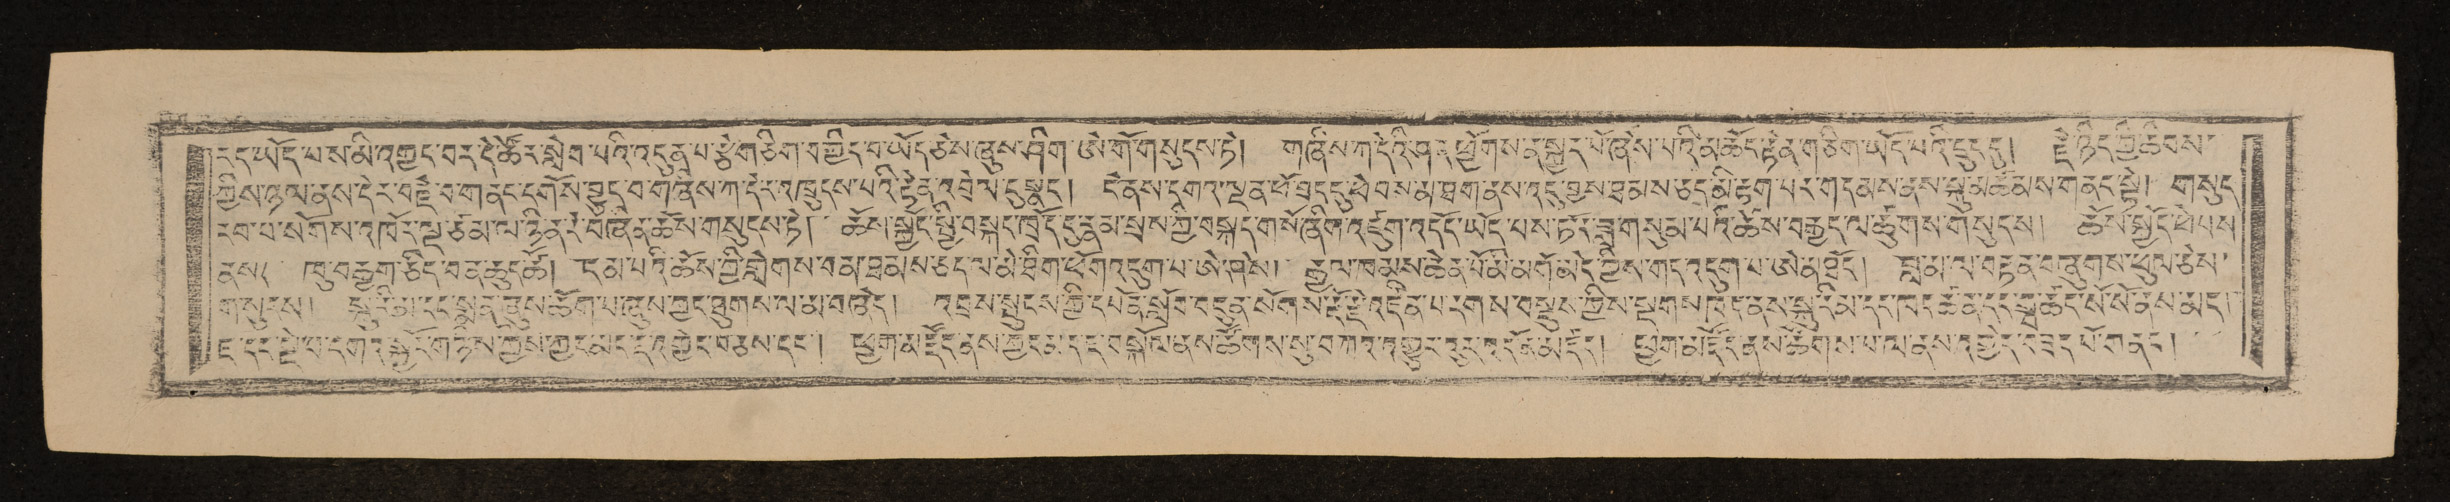རང་ཡོད་པས་མི་འགྱང་བར་དེ་ཚོར་སླེབ་པའི་འདུན་པ་རྩེ་གཅིག་བགྱིད་པ་ཡོད་ཅེས་ཞུས་ཤིག་ཨེ་གོ་གསུངས་ཏེ། གཞིས་ཀ་དེའི་ཤར་ཕྱོགས་ན་སྐྱར་པོ་ཞེས་པའི་མཆོད་རྟེན་གཅིག་ཡོད་པའི་དྲུང་དུ། རྗེ་ཉིད་ཀྱི་ཆིབས་
ཀྱི་ས་ཉལ་ནས་དེར་བརྗེ་བ་གནང་དགོས་བྱུང་བ་གཞིས་ཀ་དེར་འཁྲུངས་པའི་རྟེན་འབྲེལ་དུ་སྣང་། དེ་ནས་དགའ་ལྡན་ཕོ་བྲང་དུ་ཕེབས་མ་ཐག་ནས་འདུ་བྱས་ཐམས་ཅད་མི་རྟག་པར་གདམས་ནས་སྐུ་མཚམས་གནང་སྟེ། གསུང་
རབ་པ་སོགས་འཁོར་ལྔ་ཙམ་ལ་ཉིན་རེ་བཞིན་ཆོས་གསུངས་ཏེ། ཆོས་སྐྱོང་སྤྱི་བསྐང་ཁྲོད་དུ་རྣམ་སྲས་ཀྱི་བསྐང་གསོ་ཞིག་འཛུག་འདོད་ཡོད་པས་ཧོར་ཟླ་གསུམ་པའི་ཚེས་བརྒྱད་ལ་ཚུགས་གསུངས། ཆོས་སྐྱོང་ཕེབས་
ནས༑ ཁུ་བརྒྱག་ཅིང་བན་ཆུང་ཚོ། དམ་པའི་ཆོས་ཀྱི་གླེགས་བམ་ཐམས་ཅད་ལ་མེ་ཐིག་ཕོག་འདུག་པ་ཨེ་ཤེས། རྒྱལ་ཁམས་ཆེན་པོ་མི་མགོ་མེད་ཀྱིས་གང་འདུག་པ་ཨེ་མཐོང་། བླ་མ་ལ་བརྟན་བཞུགས་ཕུལ་ཅེས་
གསུངས། སྐུ་རིམ་དང་སྨན་ཞུས་ཆོག་པ་ཞུས་ཀྱང་ཐུགས་ལ་མ་བཞེད། འབྲས་སྤུངས་ཀྱི་དཔོན་སློབ་བདུན་སོགས་རྡོ་རྗེ་འཛིན་པ་རགས་བསྡུས་ཀྱིས་སྔགས་ཁང་ནས་སྐུ་རིམ་དང་ཁང་ཚན་དང་གྲྭ་ཚང་སོ་སོ་ནས་མང་
ཇ་དང་སྡེ་པ་དགའ་སྐྱོར་གཉིས་ཀྱིས་ཀྱང་མང་ཇ་འགྱེད་བཅས་དང་། ཕྱག་མཛོད་ནས་ཀྱང་མང་ཇ་བསྐོལ་ནས་ཚོགས་སུ་བཀའ་འགྱུར་འུར་འདོན་མཛད། ཕྱག་མཛོད་ནས་ཚོགས་པ་ལ་ནས་འགྱེད་བཟང་པོ་གནང་།